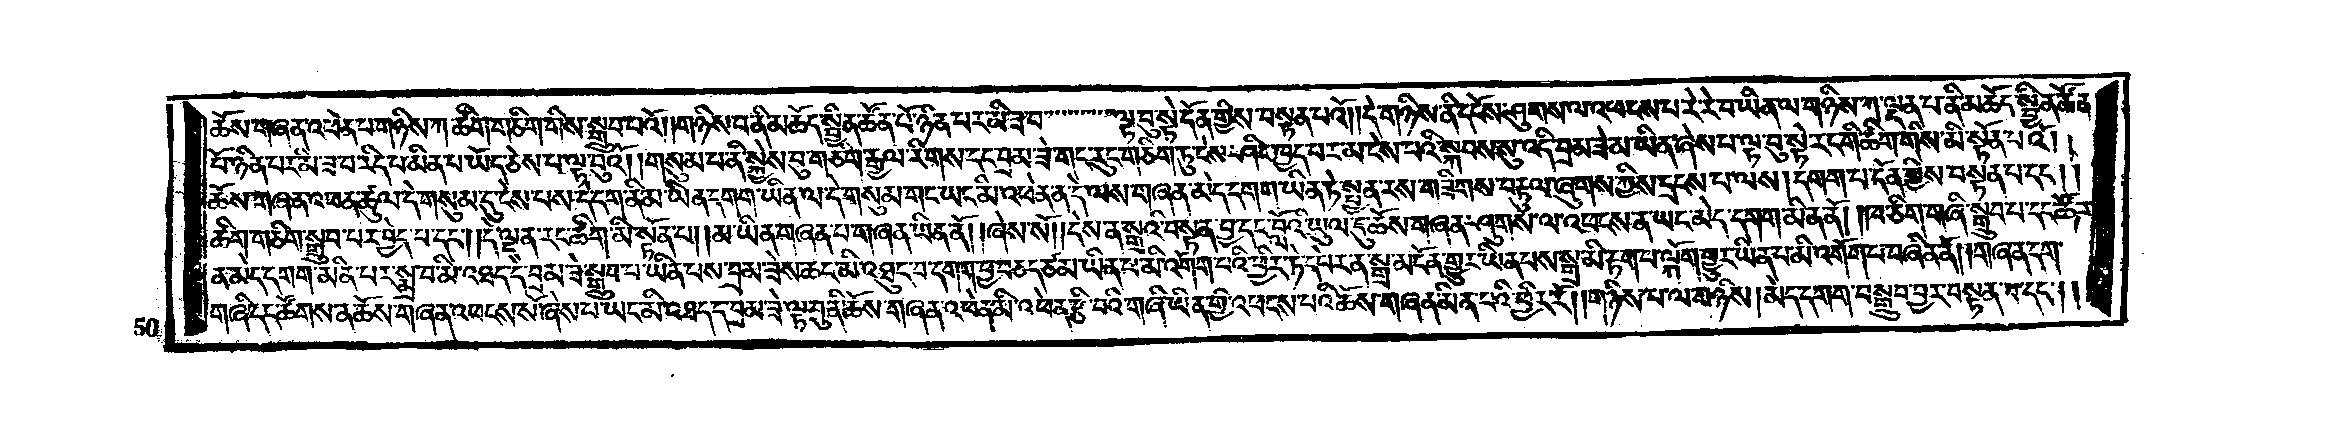ཆོས་གཞན་འཕེན་པ་གཉིས་ཀ་ཚིག་གཅིག་གིས་སྒྲུབ་པའོ། །གཉིས་པ་ནི་མཆོད་སྦྱིན་ཚོན་པོ་ཉིན་པར་མི་ཟ་བ་ལྟ་བུ་སྟེ་དོན་གྱིས་བསྟན་པའོ། །དེ་གཉིས་ནི་དངོས་ཤུགས་ལ་འཕངས་པ་རེ་རེ་བ་ཡིན་ལ་གཉིས་ཀ་ལྡན་པ་ནི་མཆོད་སྦྱིན་ཚོན་
པོ་ཉིན་པར་མི་ཟ་བ་རིད་པ་མིན་པ་ཡོད་ཅེས་པ་ལྟ་བུའོ། །གསུམ་པ་ནི་སྐྱེས་བུ་གཅིག་རྒྱལ་རིགས་དང་བྲམ་ཟེ་གང་རུང་གཅིག་ཏུ་ངེས་ཤིང་ཁྱད་པར་མ་ངེས་པའི་སྐབས་སུ་འདི་བྲམ་ཟེ་མ་ཡིན་ཞེས་པ་ལྟ་བུ་སྟེ་རང་གི་ཚིག་གིས་མི་སྟོན་པའོ། །
ཆོས་གཞན་འཕན་ཚུལ་དེ་གསུམ་དུ་ངེས་པས་དེ་དག་ནི་མ་ཡིན་དགག་ཡིན་ལ་དེ་གསུམ་གང་ཡང་མི་འཕེན་ན་དེ་ལས་གཞན་མེད་དགག་ཡིན་ཏེ་སྤྱན་རས་གཟིགས་བརྟུལ་ཞུགས་ཀྱིས་དྲངས་པ་ལས། དགག་པ་དོན་གྱིས་བསྟན་པ་དང་། །
ཚིག་གཅིག་སྒྲུབ་པར་བྱེད་པ་དང་། །དེ་ལྡན་རང་ཚིག་མི་སྟོན་པ། །མ་ཡིན་གཞན་པ་གཞན་ཡིན་ནོ། །ཞེས་སོ། །དེས་ན་སྒྲའི་བསྟན་བྱ་དང་བློའི་ཡུལ་དུ་ཆོས་གཞན་ཤུགས་ལ་འཕངས་ན་ཡང་མེད་དགག་མིན་ནོ། །ཁ་ཅིག་གཞི་སྒྲུབ་པ་དང་ཚོཌ་
ན་མེད་དགག་མིན་པར་སྨྲ་བ་མི་འཐད་དེ་བྲམ་ཟེ་སྒྲུབ་པ་ཡིན་པས་བྲམ་ཟེས་ཆང་མི་འཐུང་བ་དགག་བྱ་བཅད་ཙམ་ཡིན་པ་མི་འགོག་པའི་ཕྱིར་ཏེ་དཔེར་ན་སྒྲ་མངོན་གྱུར་ཡིན་པས་སྒྲ་མི་རྟག་པ་ལྐོག་གྱུར་ཡིན་པ་མི་འགོག་པ་བཞིན་ནོ། །གཞན་དག་
གཞི་དང་ཚོགས་ན་ཆོས་གཞན་འཕངས་སོ་ཞེས་པ་ཡང་མི་འཐད་དེ་བྲམ་ཟེ་ལྟ་བུ་ནི་ཆོས་གཞན་འཕེན་མི་འཕེན་རྩི་བའི་གཞི་ཡིན་གྱི་འཕངས་པའི་ཆོས་གཞན་མིན་པའི་ཕྱིར་རོ། །གཉིས་པ་ལ་གཉིས། མེད་དགག་བསྒྲུབ་བྱར་བསྟན་པ་དང་། །